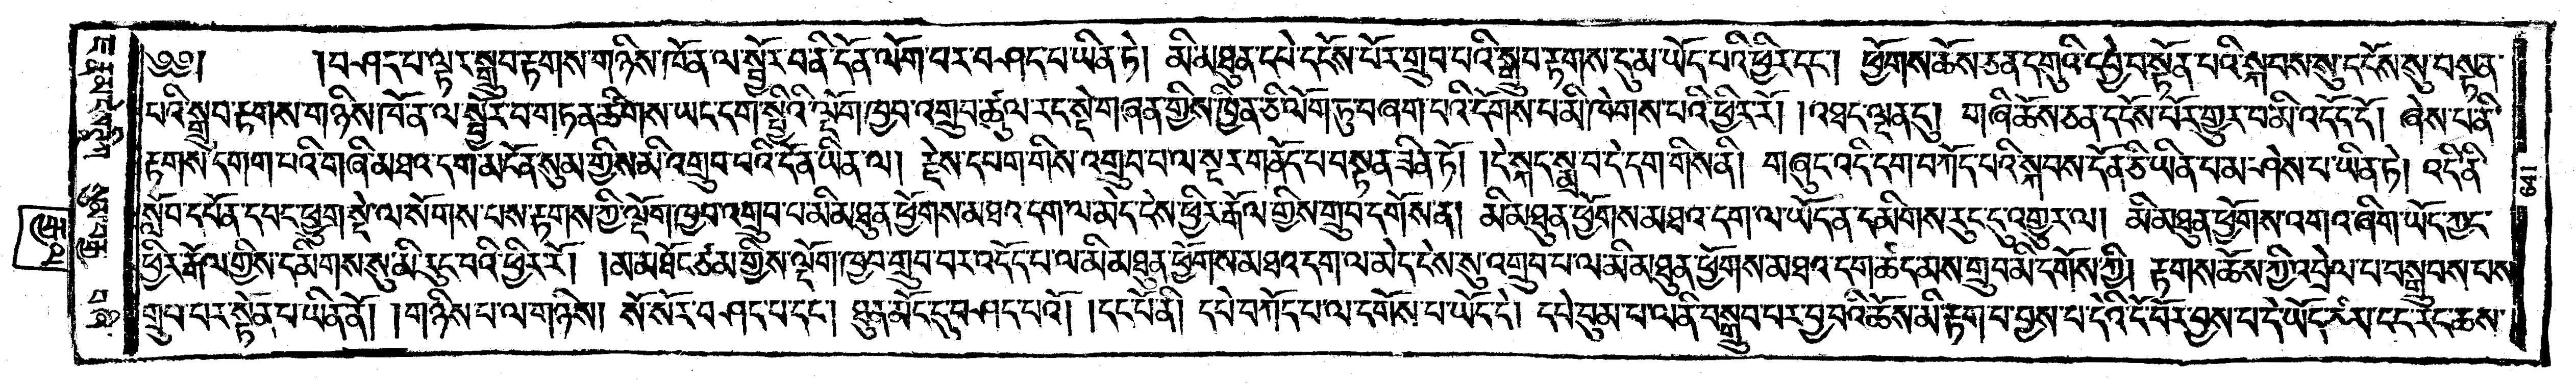༄༅། །བཤད་པ་ལྟར་སྒྲུབ་རྟགས་གཉིས་ཁོ་ན་ལ་སྦྱོར་བ་ནི་དོན་ལོག་པར་བཤད་པ་ཡིན་ཏེ། མི་མཐུན་དཔེ་དངོས་པོར་གྲུབ་པའི་སྒྲུབ་རྟགས་དུ་མ་ཡོད་པའི་ཕྱིར་དང་། ཕྱོགས་ཆོས་ཅན་དགུའི་དབྱེ་བ་སྟོན་པའི་སྐབས་སུ་དངོས་སུ་བསྟན་
པའི་སྒྲུབ་རྟགས་གཉིས་ཁོ་ན་ལ་སྦྱོར་བ་གཏན་ཚིགས་ཡང་དག་སྤྱིའི་ལྡོག་ཁྱབ་འགྲུབ་ཚུལ་རང་སྡེ་གཞན་གྱིས་བྱིན་ཅི་ལོག་ཏུ་བཞག་པའི་དོགས་པ་མི་ཁེགས་པའི་ཕྱིར་རོ། །འཐད་ལྡན་དུ། གཞི་ཆོས་ཅན་དངོས་པོར་གྱུར་བ་མི་འདོད་དོ། །ཞེས་པ་ནི་
རྟགས་དགག་པའི་གཞི་མཐའ་དག་མངོན་སུམ་གྱིས་མི་འགྲུབ་པའི་དོན་ཡིན་ལ། རྗེས་དཔག་གིས་འགྲུབ་པ་ལ་སྔར་གནོད་པ་བསྟན་ཟིན་ཏོ། །དེ་སྐད་སྨྲ་བ་དེ་དག་གིས་ནི། གཞུང་འདི་དག་བཀོད་པའི་སྐབས་དོན་ཅི་ཡིན་པ་མ་ཤེས་པ་ཡིན་ཏེ། འདི་ནི་
སློབ་དཔོན་དབང་ཕྱུག་སྡེ་ལ་སོགས་པས་རྟགས་ཀྱི་ལྡོག་ཁྱབ་འགྲུབ་པ་མི་མཐུན་ཕྱོགས་མཐའ་དག་ལ་མེད་ངེས་ཕྱིར་རྒོལ་གྱིས་གྲུབ་དགོས་ན། མི་མཐུན་ཕྱོགས་མཐའ་དག་ལ་ཡོད་ན་དམིགས་རུང་དུ་འགྱུར་ལ། མི་མཐུན་ཕྱོགས་འགའ་ཞིག་ཡོད་ཀྱང་
ཕྱིར་རྒོལ་གྱིས་དམིགས་སུ་མི་རུང་བའི་ཕྱིར་རོ། །མ་མཐོང་ཙམ་གྱིས་ལྡོག་ཁྱབ་གྲུབ་པར་འདོད་པ་ལ་མི་མཐུན་ཕྱོགས་མཐའ་དག་ལ་མེད་ངེས་སུ་འགྲུབ་པ་ལ་མི་མཐུན་ཕྱོགས་མཐའ་དག་ཚད་མས་གྲུབ་མི་དགོས་ཀྱི། རྟགས་ཆོས་ཀྱི་འབྲེལ་པ་བསྒྲུབས་པས་
གྲུབ་པར་སྟོན་པ་ཡིན་ནོ། །གཉིས་པ་ལ་གཉིས། སོ་སོར་བཤད་པ་དང་། ཐུན་མོང་དུ་བཤད་པའོ། །དང་པོ་ནི། དཔེ་བཀོད་པ་ལ་དགོས་པ་ཡོད་དེ། དཔེ་བུམ་པ་ལ་ནི་བསྒྲུབ་པར་བྱ་བའི་ཆོས་མི་རྟག་པ་བྱས་པ་དེའི་ངོ་བོར་བྱས་པ་དེ་ཡོད་ཙམ་དང་རང་ཆས་